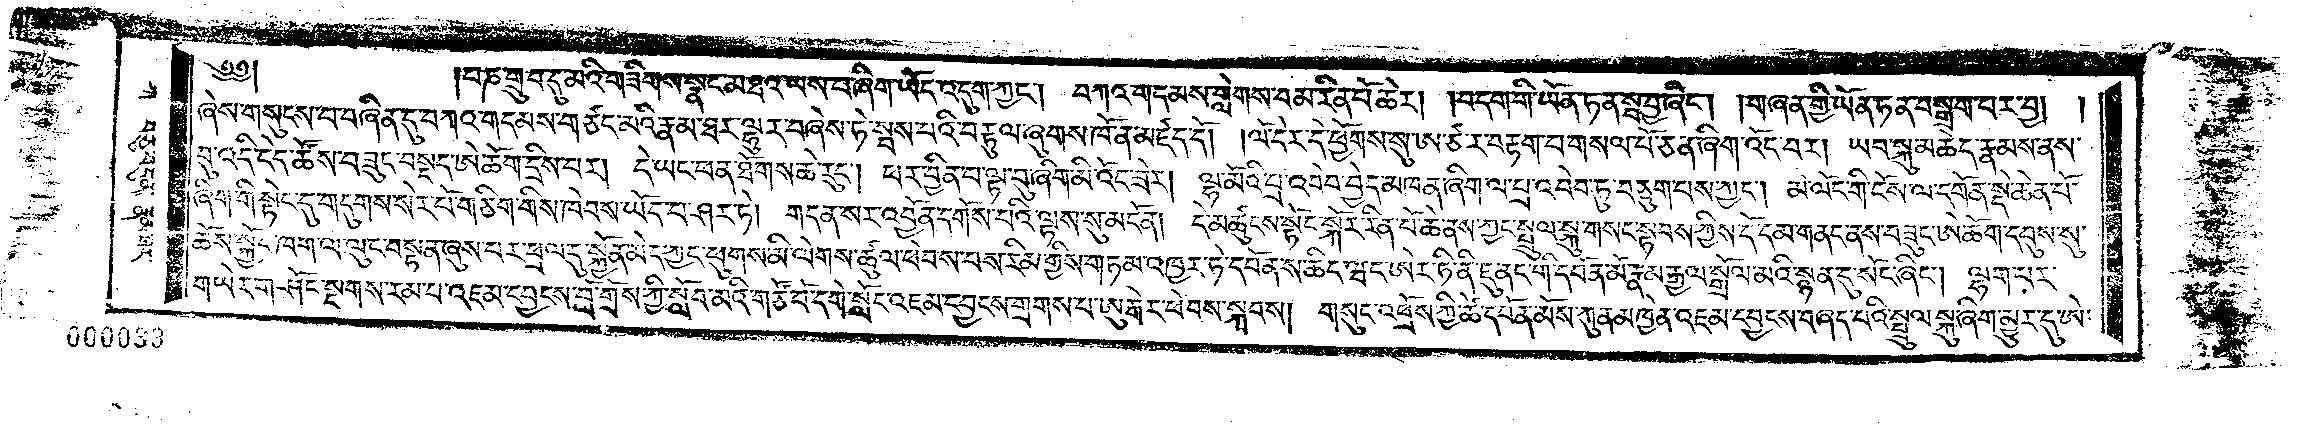༄༅། །པཎ་གྲུབ་དུ་མའི་གཟིགས་སྣང་མཐའ་ཡས་པ་ཞིག་ཡོད་འདུག་ཀྱང་། བཀའ་གདམས་གླེགས་བམ་རིན་པོ་ཆེར། །བདག་གི་ཡོན་ཏན་སྦ་བྱ་ཞིང་། །གཞན་གྱི་ཡོན་ཏན་བསྒྲག་པར་བྱ། །
ཞེས་གསུངས་པ་བཞིན་དུ་བཀའ་གདམས་གཙང་མའི་རྣམ་ཐར་ལྷུར་བཞེས་ཏེ་སྤས་པའི་བརྟུལ་ཞུགས་ཁོ་ན་མཛད་དོ། །ལོ་དེར་དེ་ཕྱོགས་སུ་ཨ་ཙ་ར་བརྟག་པ་གསལ་པོ་ཅན་ཞིག་འོང་བར། ཡབ་སྐུ་མཆེད་རྣམས་ནས་
བུ་འདི་ངེད་ཆོས་བཟུང་བསྡད་ཨེ་ཆོག་དྲིས་བར། དེ་ཡང་ཕན་ཐོགས་ཆེ་རུང་། ཕར་བྱིན་པ་ལྟ་བུ་ཞིག་མི་འོད་ཟེར། ལྷ་མོའི་པྲ་འབེབ་བྱེད་མཁན་ཞིག་ལ་པྲ་འབེབ་ཏུ་བཅུག་པས་ཀྱང་། མེ་ལོང་གི་ངོས་ལ་དགོན་སྡེ་ཆེན་པོ་
ཞིག་གི་སྟེང་དུ་གདུགས་སེར་པོ་གཅིག་གིས་ཁེབས་ཡོད་པ་ཤར་ཏེ། གདན་སར་འབྱོན་དགོས་པའི་ལྷས་སུ་མངོན། དེ་མཚུངས་སྟེང་སྐོར་རིན་པོ་ཆེ་ནས་ཀྱང་སྤྲུལ་སྐུ་གསང་སྟབས་ཀྱིས་དོ་དམ་གནང་ནས་བཟུང་ཨེ་ཆོག་དབུས་སུ་
ཆོས་སྐྱོང་ཁག་ལ་ལུང་བསྟན་ཞུས་པར་ཕྲལ་དུ་སྐྱོན་མེད་ཀྱང་ཕུགས་མི་ལེགས་ཚུལ་ཕེབས་པས་རིམ་གྱིས་གཏམ་འཁྱར་ཏེ་དཔོན་ས་ཆིད་ཝང་ཨེར་ཏི་ནི་ཇུ་ནང་གི་དཔོན་མོ་རྣམ་རྒྱལ་སྒྲོལ་མའི་སྙན་དུ་སོང་ཞིང་། ལྷག་པར་
གཡེར་གཤོང་སྔགས་རམ་པ་འཇམ་དབྱངས་བློ་གྲོས་ཀྱི་སློབ་མའི་གཙོ་བོ་དགེ་སློང་འཇམ་དབྱངས་གྲགས་པ་ཨུ་རྒེར་ཕེབས་སྐབས། གསུང་འཕྲོས་ཀྱི་ཚེ་དཔོན་མོས་ཀུན་མཁྱེན་འཇམ་དབྱངས་བཞད་པའི་སྦྲུལ་སྐུ་ཞིག་མྱུར་དུ་ཨེ་